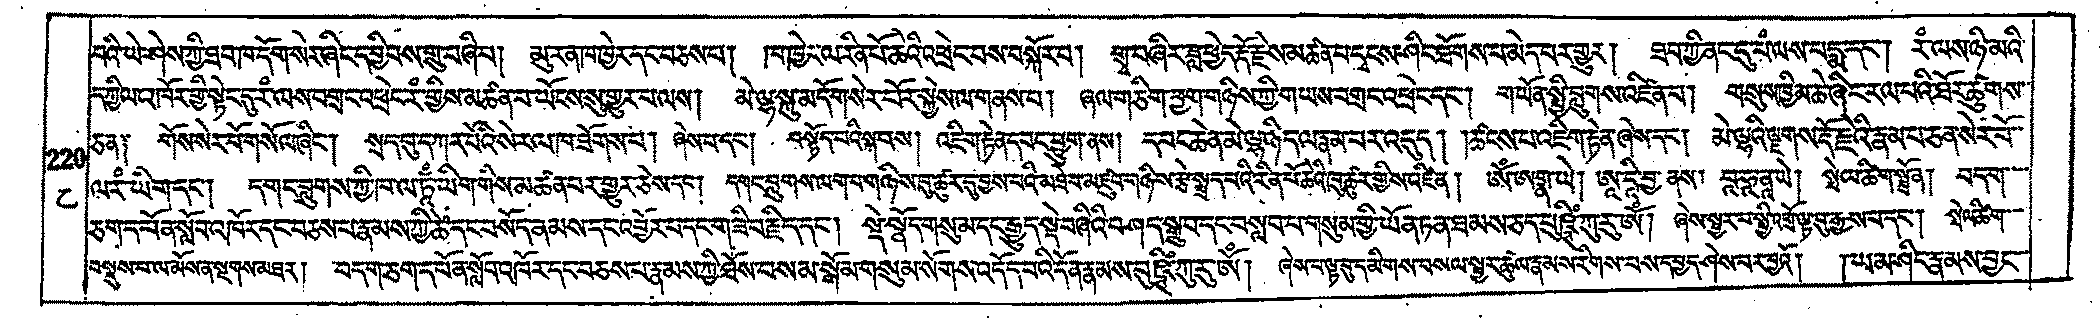བའི་ཡེ་ཤེས་ཀྱི་ཐབ་ཁ་དོག་སེར་ཞིང་དབྱིབས་གྲུ་བཞི་པ། མུ་རན་ཁ་ཁྱེར་དང་བཅས་པ། ཁ་ཁྱེར་ལ་རིན་པོ་ཆེའི་འཕྲེང་བས་བསྐོར་བ། གྲྭ་བཞིར་ཟླ་ཕྱེད་རྡོ་རྗེས་མཚན་པ་དྭངས་ཤིང་ཐོགས་པ་མེད་པར་གྱུར། ཐབ་ཀྱི་ནང་དུ་པཾ་ལས་པདམ་དང་། རཾ་ལས་ཉི་མའི་
དཀྱིལ་འཁོར་གྱི་སྟེང་དུ་རཾ་ལས་བགྲང་འཕྲེང་རཾ་གྱིས་མཚན་པ་ཡོངས་སུ་གྱུར་པ་ལས། མེ་ཧ་སྐུ་མདོག་སེར་པོར་སྐྱེས་ལ་གནས་པ། ཞལ་གཅིག་ཕྱག་གཉིས་ཀྱི་གཡས་བགྲང་འཕྲེང་དང་། གཡོན་སྤྱི་བླུགས་འཛིན་པ། གསུས་ཁྱིམ་ཆེ་ཞིང་རལ་པའི་ཐོར་ཚུགས་་་
ཅན༑ གོས་སེར་པོ་གསོལ་ཞིང་། སྲད་བུ་དཀར་པོའི་སེ་རལ་ཁ་ཐོགས་པ། ཞེས་པ་དང་། བསྟོད་པའི་སྐབས། འཇིག་རྟེན་དབང་ཕྱུག་ནས། དབང་ཆེན་མེ་ལྷ་ཉིད་ལ་རྣམ་པར་འདུད། །ཚངས་པ་འཇིག་རྟེན་ཞེས་དང་། མེ་ལྷའི་ལྗགས་རྡོ་རྗེའི་རྣམ་པ་ཅན་སེར་པོ་་་
ལ་རཾ་ཡིག་དང་། དགང་བླུགས་ཀྱི་ཁ་ལ་ཏཱཾ་ཡིག་གིས་མཚན་པར་གྱུར་ཅེས་དང་། དགང་བླུགས་ལག་པ་གཉིས་ཁུ་ཚུར་དུ་བྱས་པའི་མཐེབ་མཛུབ་གཉིས་རྩེ་སྤྲད་པའི་རིན་པོ་ཆེའི་ཁུ་ཚུར་གྱིས་འཛིན། ཨོཾ་ཨགན་ཡེ། ཨཱ་དཱཨི་བྱ་ནས། བཱ་ཧཱ་ནཱ་ཡེ། སྤེལ་ཚིག་སྤྲོ་ན། བདག་་་
ཅག་དཔོན་སློབ་འཁོར་དང་བཅས་པ་རྣམས་ཀྱི་ཚེ་དང་བསོད་ནམས་དང་འབྱོར་པ་དང་གཞི་བརྗིད་དང་། སྡེ་སྣོད་གསུམ་དང་རྒྱུད་སྡེ་བཞིའི་བཤད་སྒྲུབ་དང་བསླབ་པ་གསུམ་གྱི་ཡོན་ཏན་ཐམས་ཅད་པུཥྚིཾ་ཀུ་རུ་ཨོཾ། ཞེས་སྦྱར་བ་སྤྱི་འགྲོ་ལྟ་བུ་རྒྱས་པ་དང་། སྤེལ་ཚིག་་་
བསྡུས་པ་ལ་མོས་ན་སྔགས་མཐར། བདག་ཅག་དཔོན་སློབ་འཁོར་དང་བཅས་པ་རྣམས་ཀྱི་ཐོས་བསམ་སྒོམ་གསུམ་སོགས་འདོད་པའི་དོན་རྣམས་པུཥྚིཾ་ཀུ་རུ་ཨོཾ། ཞེས་པ་ལྟ་བུ་དམིགས་བསལ་སྦྱར་ཚུལ་རྣམས་རིགས་པས་དཔྱད་ཤེས་པར་བྱའོ།  །ཡམ་ཤིང་རྣམས་བྱང་་་